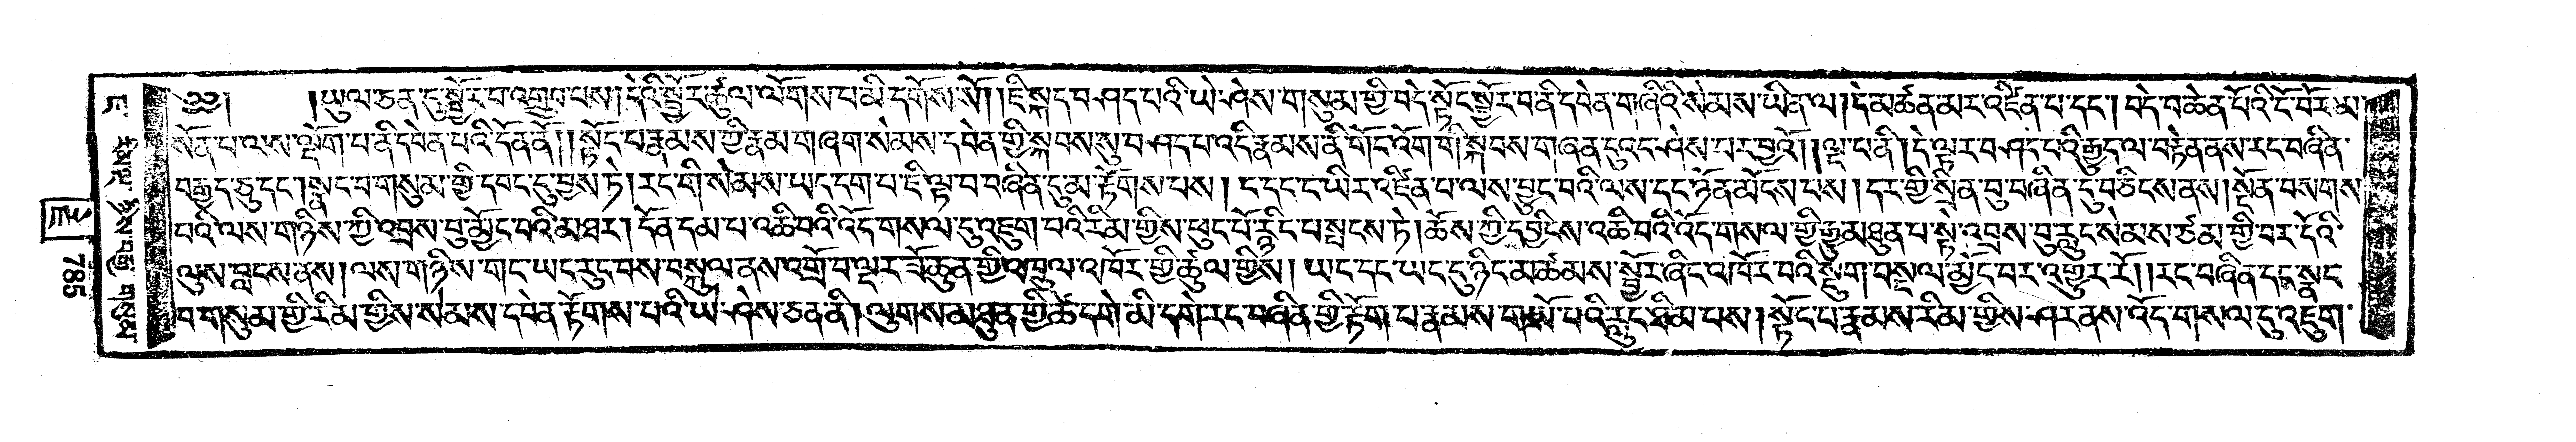༄༅། །ཡུལ་ཅན་དུ་སྦྱོར་བ་འགྲུབ་པས། དེའི་སྦྱོར་ཚུལ་ལོགས་པ་མི་དགོས་སོ། །ཇི་སྐད་བཤད་པའི་ཡེ་ཤེས་གསུམ་གྱི་བདེ་སྟོང་སྦྱོར་བ་ནི་དབེན་གཞིའི་སེམས་ཡིན་ལ། དེ་མཚན་མར་འཛིན་པ་དང་། བདེ་བ་ཆེན་པོའི་ངོ་བོར་མ་
སོན་པ་ལས་ལྡོག་པ་ནི་དབེན་པའི་དོན་ནོ། །སྟོང་པ་རྣམས་ཀྱི་རྣམ་གཞག་སེམས་དབེན་གྱི་སྐབས་སུ་བཤད་པ་འདི་རྣམས་ནི་གོང་འོག་གི་སྐབས་གཞན་དུའང་ཤེས་པར་བྱའོ། །ལྔ་པ་ནི། དེ་ལྟར་བཤད་པའི་རྒྱུད་ལ་བརྟེན་ནས་རང་བཞིན་
བརྒྱད་ཅུ་དང་། སྣང་བ་གསུམ་གྱི་དབང་དུ་བྱས་ཏེ། རང་གི་སེམས་ཡང་དག་པ་ཇི་ལྟ་བ་བཞིན་དུ་མ་རྟོགས་པས། ང་དང་ང་ཡིར་འཛིན་པ་ལས་བྱུང་བའི་ལས་དང་ཉོན་མོངས་པས། དར་གྱི་བུ་བཞིན་དུ་བཅིངས་ནས། སྔོན་བསགས་
པའི་ལས་གཉིས་ཀྱི་འབྲས་བུ་མྱོང་བའི་མཐར། དོན་དམ་པ་འཆི་བའི་འོད་གསལ་དུ་འཇུག་པའི་རིམ་གྱིས་ཕུང་པོ་རྙིད་པ་སྤངས་ཏེ། ཆོས་ཀྱི་དབྱིངས་འཆི་བའི་འོད་གསལ་གྱི་རྒྱུ་མཐུན་པ་སྟེ་འབྲས་བུ་རླུང་སེམས་ཙམ་གྱི་བར་དོའི་
ལུས་བླངས་ནས། ལས་གཉིས་གང་ཡང་རུང་བས་བསྐུལ་ནས་འགྲོ་བ་ལྔར་ཟོ་ཆུན་གྱི་འཁྲུལ་འཁོར་གྱི་ཚུལ་གྱིས། ཡང་དང་ཡང་དུ་ཉིད་མཚམས་སྦྱོར་ཞིང་འཁོར་བའི་སྡུག་བསྔལ་མྱོང་བར་འགྱུར་རོ། །རང་བཞིན་དང་སྣང་
བ་གསུམ་གྱི་རིམ་གྱིས་སེམས་དབེན་རྟོགས་པའི་ཡེ་ཤེས་ཅན་ནི། ལུགས་མཐུན་གྱི་ཚེ་དགེ་མི་དགེ་རང་བཞིན་གྱི་རྟོག་པ་རྣམས་གཡོ་བའི་རླུང་ཐིམ་པས། སྟོང་པ་རྣམས་རིམ་གྱིས་ཤར་ནས་འོད་གསལ་དུ་འཇུག་